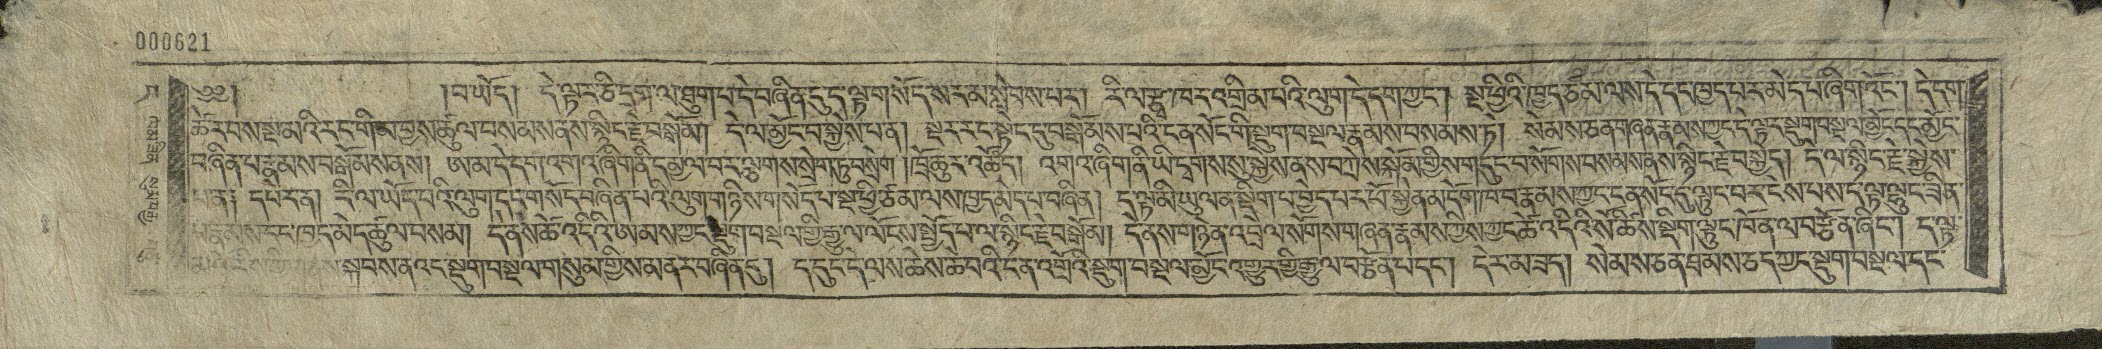༄༅། །བ་ཡོད། དེ་ལྟར་ཅི་དྲག་ལ་ཐུག་པ་དེ་བཞིན་དུ་ད་ལྟ་གསོད་སར་མ་སླེབས་པར། རི་ལ་རྩྭ་ཁར་འགྲིམ་པའི་ལུག་དེ་དག་ཀྱང་། སྔ་ཕྱིའི་ཁྱད་ཙམ་ལས་དེ་དང་ཁྱད་པར་མེད་པ་ཞིག་འོང་། དེ་དག་
ཚེ་རབས་སྔ་མའི་རང་གི་མ་བྱས་ཚུལ་བསམས་ནས་སྙིང་རྗེ་བསྒོམ། དེ་ལ་མྱོང་བ་སྐྱེས་པ་ན། སྔར་རང་སྟེང་དུ་བསྒོམས་པའི་ངན་སོང་གི་སྡུག་བསྔལ་རྣམས་བསམས་ཏེ། སེམས་ཅན་གཞན་རྣམས་ཀྱང་དེ་ལྟར་སྡུག་བསྔལ་མྱོང་དང་མྱོང་
བཞིན་པ་རྣམས་བསྒོམས་ནས། ཨ་མ་དེ་དག་འགའ་ཞིག་ནི་དམྱལ་བར་ལྕགས་སྲེག་ཏུ་བསྲེག །ཁྲོ་ཆུར་འཚོད། འགའ་ཞིག་ནི་ཡི་དྭགས་སུ་སྐྱེས་ནས་བཀྲེས་སྐོམ་གྱིས་གདུང་བ་སོགས་བསམས་ནས་སྙིང་རྗེ་བསྐྱེད། དེ་ལ་སྙིང་རྗེ་སྐྱེས་
པ་ན༑ དཔེར་ན། རི་ལ་ཡོད་པའི་ལུག་དང་གསོད་བཞིན་པའི་ལུག་གཉིས་གསོད་པ་སྔ་ཕྱི་ཙམ་ལས་ཁྱད་མེད་པ་བཞིན། ད་ལྟ་མི་ཡུལ་ན་སྡིག་པ་བྱེད་པར་ཕོ་སྐྱེན་མདོག་ཁ་བ་རྣམས་ཀྱང་ངན་སོང་དུ་ལྟུང་བར་ངེས་པས་ད་ལྟ་ལྷུང་ཟིན་
པ་རྣམས་དང་ཁྱད་མེད་ཚུལ་བསམ། དེ་ནས་ཚེ་འདིའི་ཨ་མས་ཀྱང་སྡུག་བསྔལ་གྱི་རྒྱུ་ལ་ལོངས་སྤྱོད་པ་ལ་སྙིང་རྗེ་བསྒོམ། དེ་ནས་གཉེན་འབྲེལ་སོགས་གཞན་རྣམས་ཀྱིས་ཀྱང་ཚེ་འདིའི་སོ་ཚིས་སྡིག་ལྟུང་ཁོ་ན་ལ་བརྩོན་ཞིང་། ད་ལྟ་
མཐོ་རིས་ཀྱི་གནས་སྐབས་ནའང་སྡུག་བསྔལ་གསུམ་གྱིས་མནར་བཞིན་དུ། ད་དུང་དེ་ལས་ཆེས་ཆེ་བའི་ངན་འགྲོའི་སྡུག་བསྔལ་མྱོང་འགྱུར་གྱི་རྒྱུ་ལ་བརྩོན་པ་དང་། དེར་མ་ཟད། སེམས་ཅན་ཐམས་ཅད་ཀྱང་སྡུག་བསྔལ་དང་